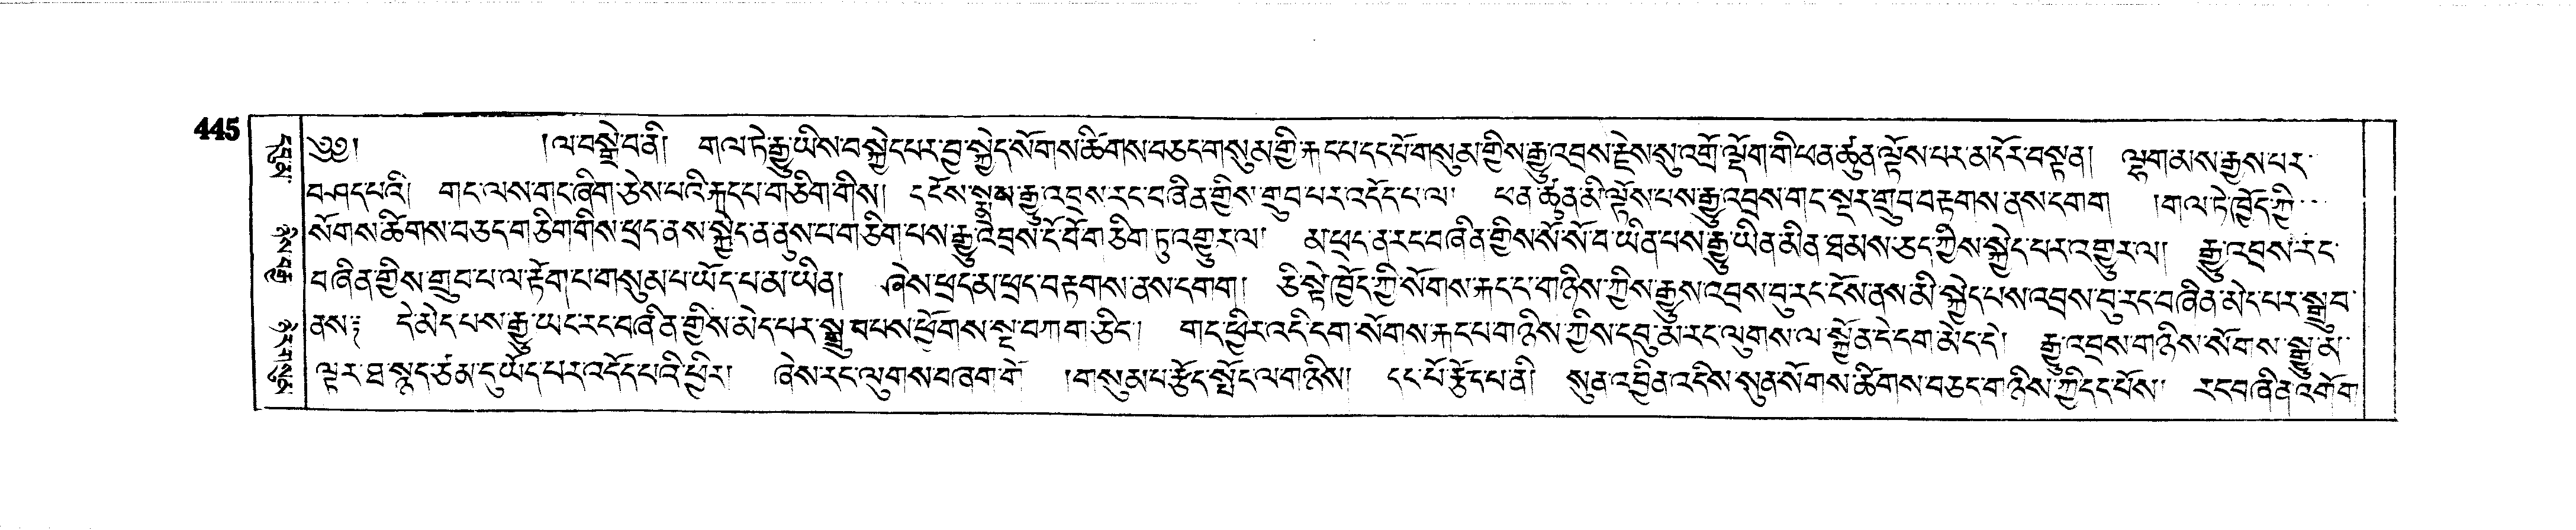༄༅། །ལ་བསྒྲེ་བ་ནི། གལ་ཏེ་རྒྱུ་ཡིས་བསྐྱེད་པར་བྱ་སྐྱེད་སོགས་ཚིགས་བཅད་གསུམ་གྱི་རྐང་པ་དང་པོ་གསུམ་གྱི་རྒྱུ་འབྲས་རྗེས་སུ་འགྲོ་ལྡོག་གི་ཕན་ཚུན་ལྟོས་པར་མདོར་བསྟན། ལྷག་མས་རྒྱས་པར་
བཤད་པའི། གང་ལས་གང་ཞིག་ཅེས་པའི་རྐང་པ་གཅིག་གིས། དངོས་སྨྲས་རྒྱུ་འབྲས་རང་བཞིན་གྱིས་གྲུབ་པར་འདོད་པ་ལ། ཕན་ཚུན་མི་ལྟོས་པས་རྒྱུ་འབྲས་གང་སྔར་གྲུབ་བརྟགས་ནས་དགག །གལ་ཏེ་ཁྱོད་ཀྱི་
སོགས་ཚིགས་བཅད་གཅིག་གིས་ཕྲད་ནས་སྐྱེད་ན་ནུས་པ་གཅིག་པས་རྒྱུ་འབྲས་ངོ་བོ་གཅིག་ཏུ་འགྱུར་ལ། མ་ཕྲད་ན་རང་བཞིན་གྱིས་སོ་སོ་བ་ཡིན་པས་རྒྱུ་ཡིན་མིན་ཐམས་ཅད་ཀྱིས་སྐྱེད་པར་འགྱུར་ལ། རྒྱུ་འབྲས་རང་
བཞིན་གྱིས་གྲུབ་པ་ལ་རྟོག་པ་གསུམ་པ་ཡོད་པ་མ་ཡིན། ཞེས་ཕྲད་མ་ཕྲད་བྲགས་ནས་དགག །ཅི་སྟེ་ཁྱོད་ཀྱི་སོགས་རྐང་པ་གཉིས་ཀྱིས་རྒྱུས་འབྲས་བུ་རང་ངོས་ནས་མི་སྐྱེད་པས་འབྲས་བུ་རང་བཞིན་མེད་པར་སྒྲུབ་
ནས། དེ་མེད་པས་རྒྱུ་ཡང་རང་བཞིན་གྱིས་མེད་པར་སྒྲུབ་པས་ཕྱོགས་སྔ་བཀག་ཅིང་། གང་ཕྱིར་འདི་དག་སོགས་རྐང་པ་གཉིས་ཀྱིས་དབུ་མ་རང་ལུགས་ལ་སྐྱོན་དེ་དག་མེད་དེ། རྒྱུ་འབྲས་གཉིས་སོགས་སྒྱུ་མ་
ལྟར་ཐ་སྙད་ཙམ་དུ་ཡོད་པར་འདོད་པའི་ཕྱིར། ཞེས་རང་ལུགས་བཞག་གོ །གསུམ་པ་རྩོད་སྤོང་ལ་གཉིས། དང་པོ་རྩོད་པ་ནི། སུན་འབྱིན་འདིས་སུན་སོགས་ཚིགས་བཅད་གཉིས་ཀྱི་དང་པོས། རང་བཞིན་འགོག་